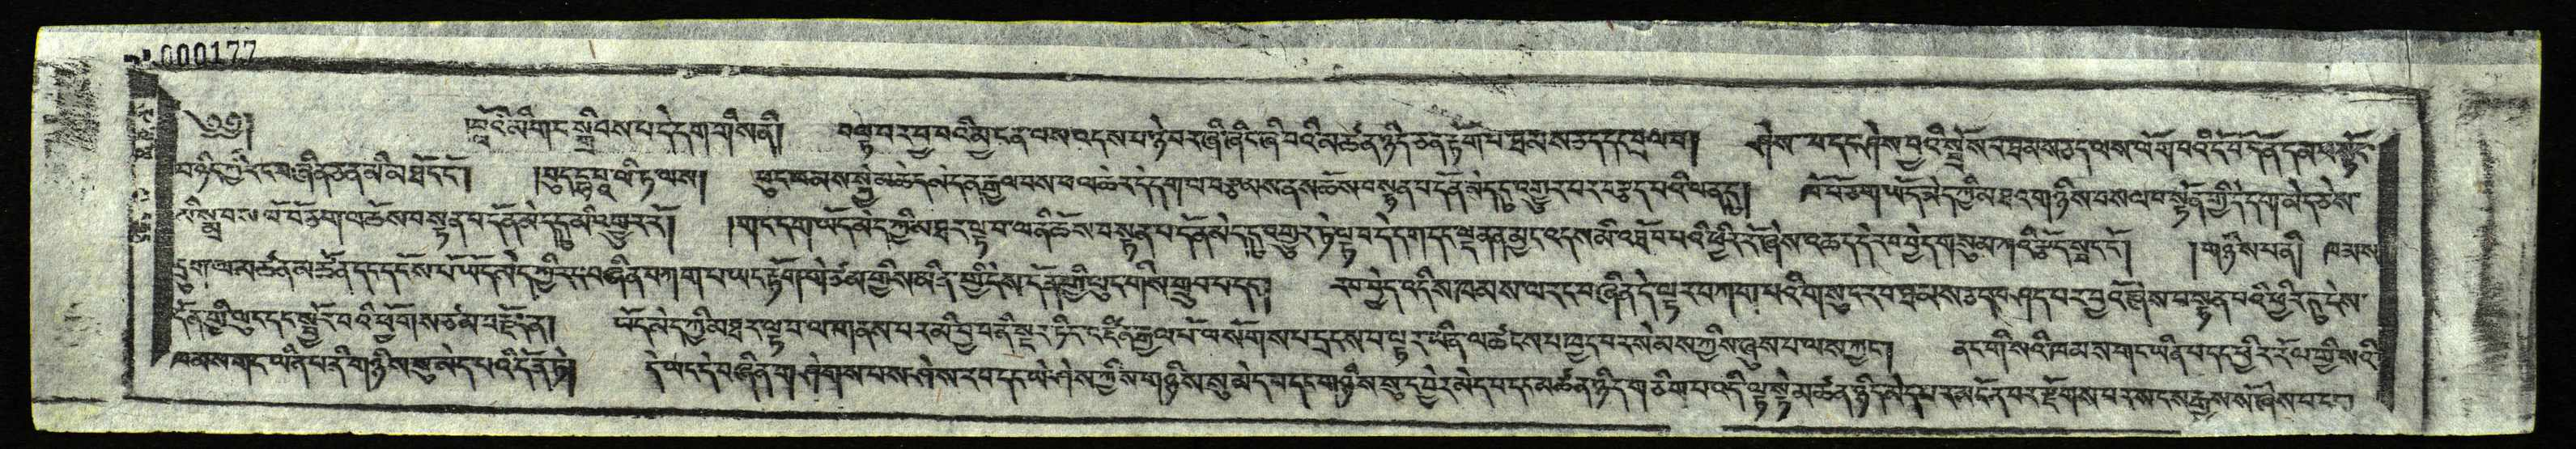༄༅། །བློའི་མིག་བསྒྲིབས་པ་དེ་དག་གིས་ནི། བལྟ་བར་བྱ་བའི་མྱ་ངན་ལས་འདས་པ་ཉེ་བར་ཞི་ཞིང་ཞི་བའི་མཚན་ཉིད་ཅན་རྟོག་པ་ཐམས་ཅད་དང་བྲལ་བ། ཤེས་པ་དང་ཤེས་བྱའི་སྤྲོས་བ་ཐམས་ཅད་ལས་ལོག་པའི་ངོ་བོ་དོན་དམ་པ་སྟོང་
པ་ཉིད་ཀྱི་རང་བཞིན་ཅན་མི་མཐོང་ངོ། །བུད་དྷ་པཱ་ལི་ཏ་ལས། ཕུང་ཁམས་སྐྱེ་མཆེད་མེད་ན་རྒྱལ་བས་ཕལ་ཆེར་དེ་དག་ལ་བརྩམས་ནས་ཆོས་བསྟན་པ་དོན་མེད་དུ་འགྱུར་བར་བརྩད་པའི་ལན་དུ། ཁོ་བོ་ཅག་ཡོད་མེད་ཀྱི་མཐའ་གཉིས་བསལ་བ་སྟོན་གྱི་དེ་དག་མེད་ཅེས་
མི་སྨྲ་བས་ཁོ་བོ་ཅག་ལ་ཆོས་བསྟན་པ་དོན་མེད་དུ་མི་འགྱུར་རོ། །གང་དག་ཡོད་མེད་ཀྱི་མཐར་ལྟ་བ་ལ་ནི་ཆོས་བསྟན་པ་དོན་མེད་དུ་འགྱུར་ཏེ་ལྟ་བ་དེ་དག་དང་ལྡན་ན་མྱང་འདས་མི་འཐོབ་པའི་ཕྱིར་རོ་ཞེས་འཆད་དེ་རབ་བྱེད་གསུམ་ཀའི་རྩོད་སྤང་ངོ། །གཉིས་པ་ནི། ཁམས་
དྲུག་ལ་མཚན་མཚོན་དང་དངོས་པོ་ཡོད་མེད་ཀྱི་རང་བཞིན་བཀག་པ་ཡང་རྟོག་གེ་ཙམ་གྱིས་མིན་གྱི་དེས་དོན་གྱི་ལུང་གིས་གྲུབ་པ་དང་། རབ་བྱེད་འདིས་ཁམས་ལ་རང་བཞིན་དེ་ལྟར་བཀག་པའི་གསུང་རབ་ཐམས་ཅད་བཤད་པར་བྱའོ་ཞེས་བསྟན་པའི་ཕྱིར་དུ་དེས་
དོན་གྱི་ལུང་དང་སྦྱོར་བའི་ཕྱོགས་ཙམ་བརྗོད་ན། ཡོད་མེད་ཀྱི་མཐར་ལྟ་བ་ལ་གནས་པར་མི་བྱ་བ་ནི་སྔར་ཏིང་འཛིན་རྒྱལ་པོ་ལ་སོགས་པ་དྲངས་པ་ལྟར་ཡིན་ལ་ཚངས་པ་ཁྱད་པར་སེམས་ཀྱིས་ཞུགས་པ་ལས་ཀྱང་། ནང་གི་སའི་ཁམས་གང་ཡིན་པ་དང་ཕྱིར་རོལ་གྱི་སའི་
ཁམས་གང་ཡིན་པ་ནི་གཉིས་སུ་མེད་པའི་དོན་ཏེ། དེ་ཡང་དེ་བཞིན་གཤེགས་པས་ཤེས་རབ་དང་ཡེ་ཤེས་ཀྱིས་གཉིས་སུ་མེད་པ་དང་གཉིས་སུ་དབྱེར་མེད་པ་དང་མཚན་ཉིད་གཅིག་པ་འདི་ལྟ་སྟེ་མཚན་ཉིད་མེད་པར་མངོན་པར་རྫོགས་པར་སངས་རྒྱས་སོ་ཞེས་པ་དང་།